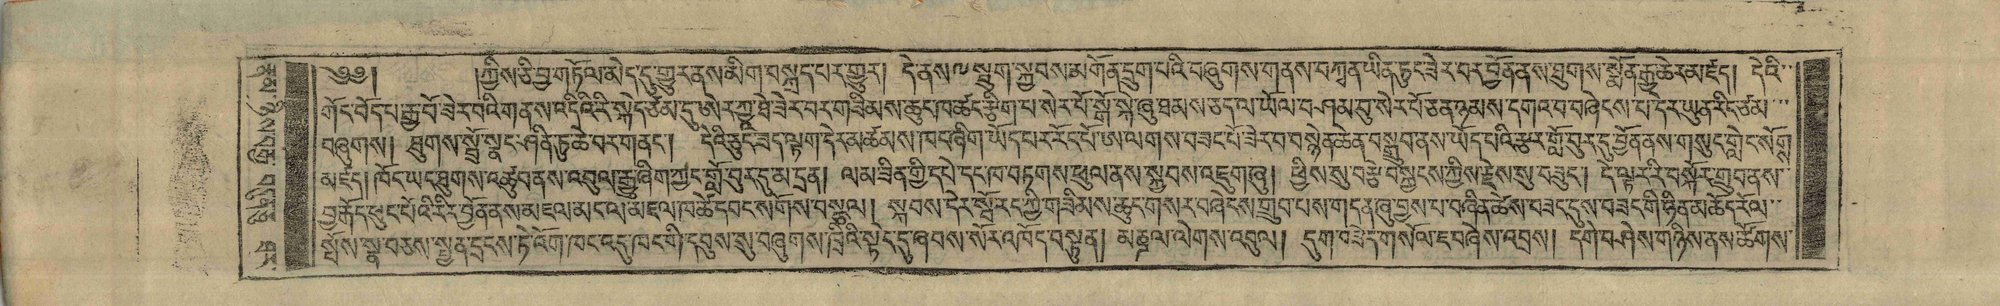༄༅། །ཀྱིས་ཅི་བྱ་གཏོལ་མེད་དུ་གྱུར་ནས་མིག་བསྐྲད་པར་གྱུར། དེ་ནས་༧སྤུག་སྐྱབས་མགོན་དྲུག་པའི་བཞུགས་གནས་བཀྭན་ཡིན་ཏུང་ཟེར་བར་བྱོན་ནས་ཐུགས་སྨོན་རྒྱ་ཆེར་མཛད། དེའི་
གོང་བོད་པ་རྒྱ་པོ་ཟེར་བའི་གནས་འདིའི་རི་སྐེད་ཙམ་དུ་ཨེར་ཀྱཱ་ཐེ་ཟེར་བར་གཟིམས་ཆུང་ཁ་ཚང་རྩིག་པ་སེར་པོ་སྒོ་སྐེ་ཞུ་ཐམས་ཅད་ལ་ཡོལ་བཤམ་བུ་སེར་པོ་ཅན་ཉམས་དགའ་བ་བཞེངས་པ་དེར་ཡུན་རིང་ཙམ་
བཞུགས། ཐུགས་སྦྲོ་སྣང་ཤིན་ཏུ་ཆེ་བར་གནང་། དེའི་ཅུང་ཟད་ལྟག་དེར་མཚམས་ཁང་ཞིག་ཡོད་པར་རོང་པོ་ཨ་ལགས་བཟང་པོ་ཟེར་བ་བསྙེན་ཆེན་བསྒྲུབ་ནས་ཡོད་པའི་རྩར་གློ་བུར་དུ་བྱོན་ནས་གསུང་གླེང་སོགས་
མཛད། ཁོང་ཡང་ཐུགས་འཚུབ་ནས་འབུལ་རྒྱུ་ཞིག་ཀྱང་གློ་བུར་དུ་མ་དྲན། ལམ་ཟིན་གྱི་དཔེ་དང་ཁ་བཏགས་ཕུལ་ནས་སྐྱབས་འཇུག་ཞུ། ཕྱིས་སུ་བརྩེ་བསྐྱངས་ཀྱིས་རྗེས་སུ་བཟུང་། དེ་ལྟར་རི་བསྐོར་གྲུབ་ནས་
བྱ་རྒོད་ཕུང་པོའི་རིར་བྱོན་ནས་མཇལ་མང་ལ་མཇལ་ཁ་ཚེ་དབང་སོགས་བསྩལ། སྐབས་དེར་སྦོ་རང་ཀྱི་གཟིམས་ཆུང་གསར་བཞེངས་གྲུབ་པས་གདན་ཞུ་བྱས་པ་བཞིན་ཚེས་བཟང་དུས་བཟང་གི་ཉིན་མཆོད་རོལ་
སྤོས་སྣ་བཅས་སྤྱན་དྲངས་ཏེ་འོག་ཁང་འདུ་ཁང་གི་དབུས་སུ་བཞུགས་ཁྲིའི་སྟེང་དུ་ཞབས་སོར་འཁོད་བསྟུན། མཎྜལ་ལེགས་འབུལ། དུག་བཟེད་གསོལ་ཇ་བཞེས་འབྲས། དགེ་བཤེས་གཉིས་ནས་ཚོགས་